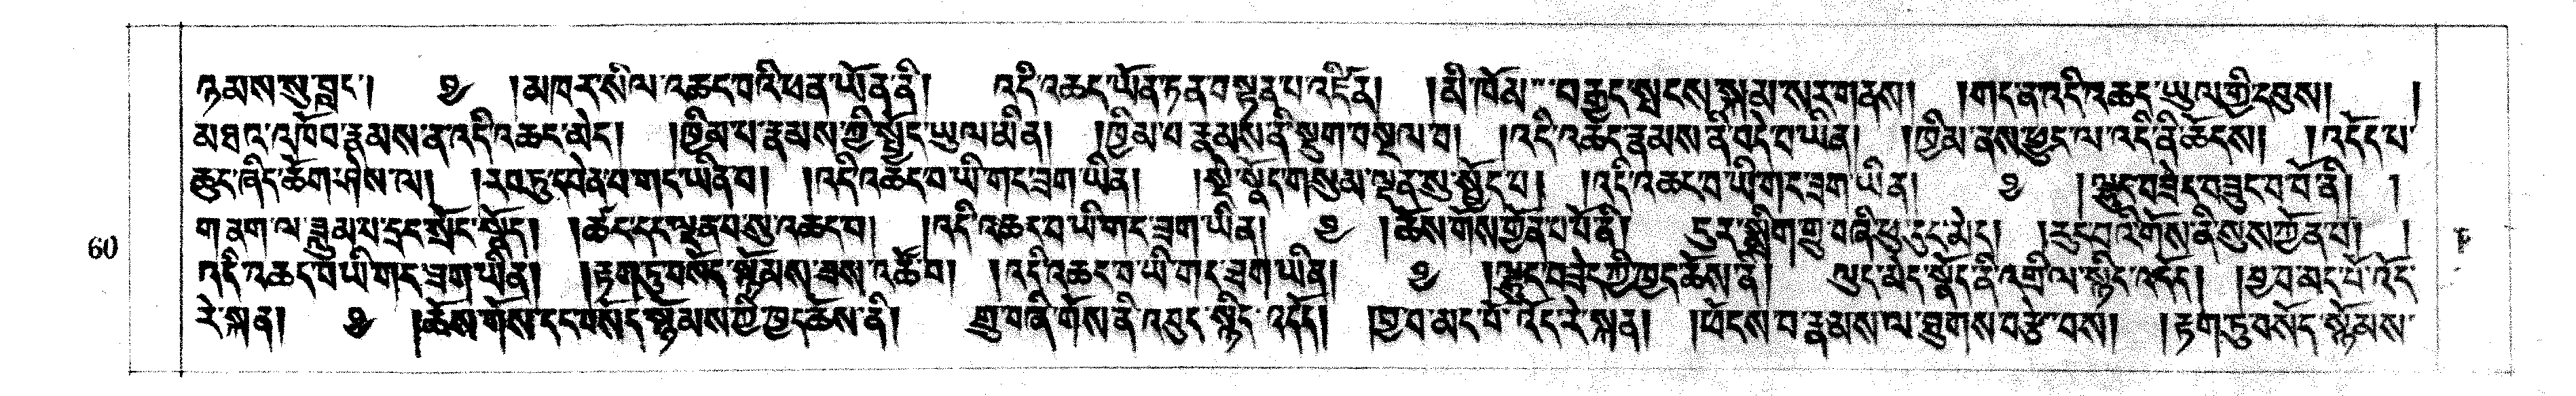ཉམས་སུ་བླང་། ༧་།མཁར་སིལ་འཆད་བའི་ཕན་ཡོན་ནི། འདི་ཆད་ཡོན་ཏན་བསྟན་པ་འཛིན། །མི་ཁོམ་བརྒྱད་སྤངས་སྐམ་སར་གནས། །གང་ན་འདི་འཆད་ཡུལ་གྱི་དབུས། །
མཐའ་འཁོབ་རྣམས་ན་འདི་འཆད་མེད། །ཁྱིམ་པ་རྣམས་ཀྱི་སྤྱོད་ཡུལ་མིན། །ཁྱིམ་པ་རྣམས་ནི་སྡུག་བསྔལ་བ། །འདི་འཆད་རྣམས་ནི་བདེ་བ་ཡིན། །ཁྱིམ་ནས་ཕྱུང་ལ་འདི་ནི་ཆོངས། །འདོད་པ་
ཆུང་ཞིང་ཆོག་ཤེས་ལ། །རབ་ཏུ་དབེན་པ་གང་ཡིན་བ། །འདི་འཆད་བ་ཡི་གང་ཟག་ཡིན། །སྡེ་སྣོད་གསུམ་ལྡན་སུ་སྦྱོད་པ། །འདི་འཆང་བ་ཡི་གང་ཟག་ཡིན། ༧་།ལྷུང་བཟེད་བཟུང་བ་བོ་ནི། །
གནག་ལ་ཟླུམ་པ་དྲང་སྲོང་སྣོད། །ཚང་དང་ལྡན་པ་སུ་འཆད་བ། །འདི་འཆད་བ་ཡི་གང་ཟག་ཡིན། ༧་།ཆོས་གོས་གྱོན་པ་པོ་ནི། དུར་སྨྲིག་གྲུ་བཞི་ཕུ་དུང་མེད། །རུང་བའི་གོས་ནི་སུས་ཀྱོན་པ། །
འདི་འཆད་བ་ཡི་གང་ཟག་ཡིན། །རྟག་ཏུ་བསོད་སྙོམས་ཟས་འཚོ་བ། །འདི་འཆད་བ་ཡི་གང་ཟག་ཡིན། ༧་།ལྷུང་བཟེད་ཀྱི་ཁྱད་ཆོས་ནི། ལུད་མེད་སྣོད་ནི་འགྲིལ་སྙིང་འདོད། །བྱ་བ་མང་པོ་འོང་
རེ་སྐན། ༧་།ཆོས་གོས་དང་བསོད་སྙོམས་ཀྱི་ཁྱད་ཆོས་ནི། གྲུ་བཞི་གོས་ནི་འབུང་སྙིང་འདོད། །བྱ་བ་མང་པོ་འོད་རེ་སྐན། །ཕོངས་བ་རྣམས་ལ་ཐུགས་བརྩེ་བས། །རྟག་ཏུ་བསོད་སྙོམས་